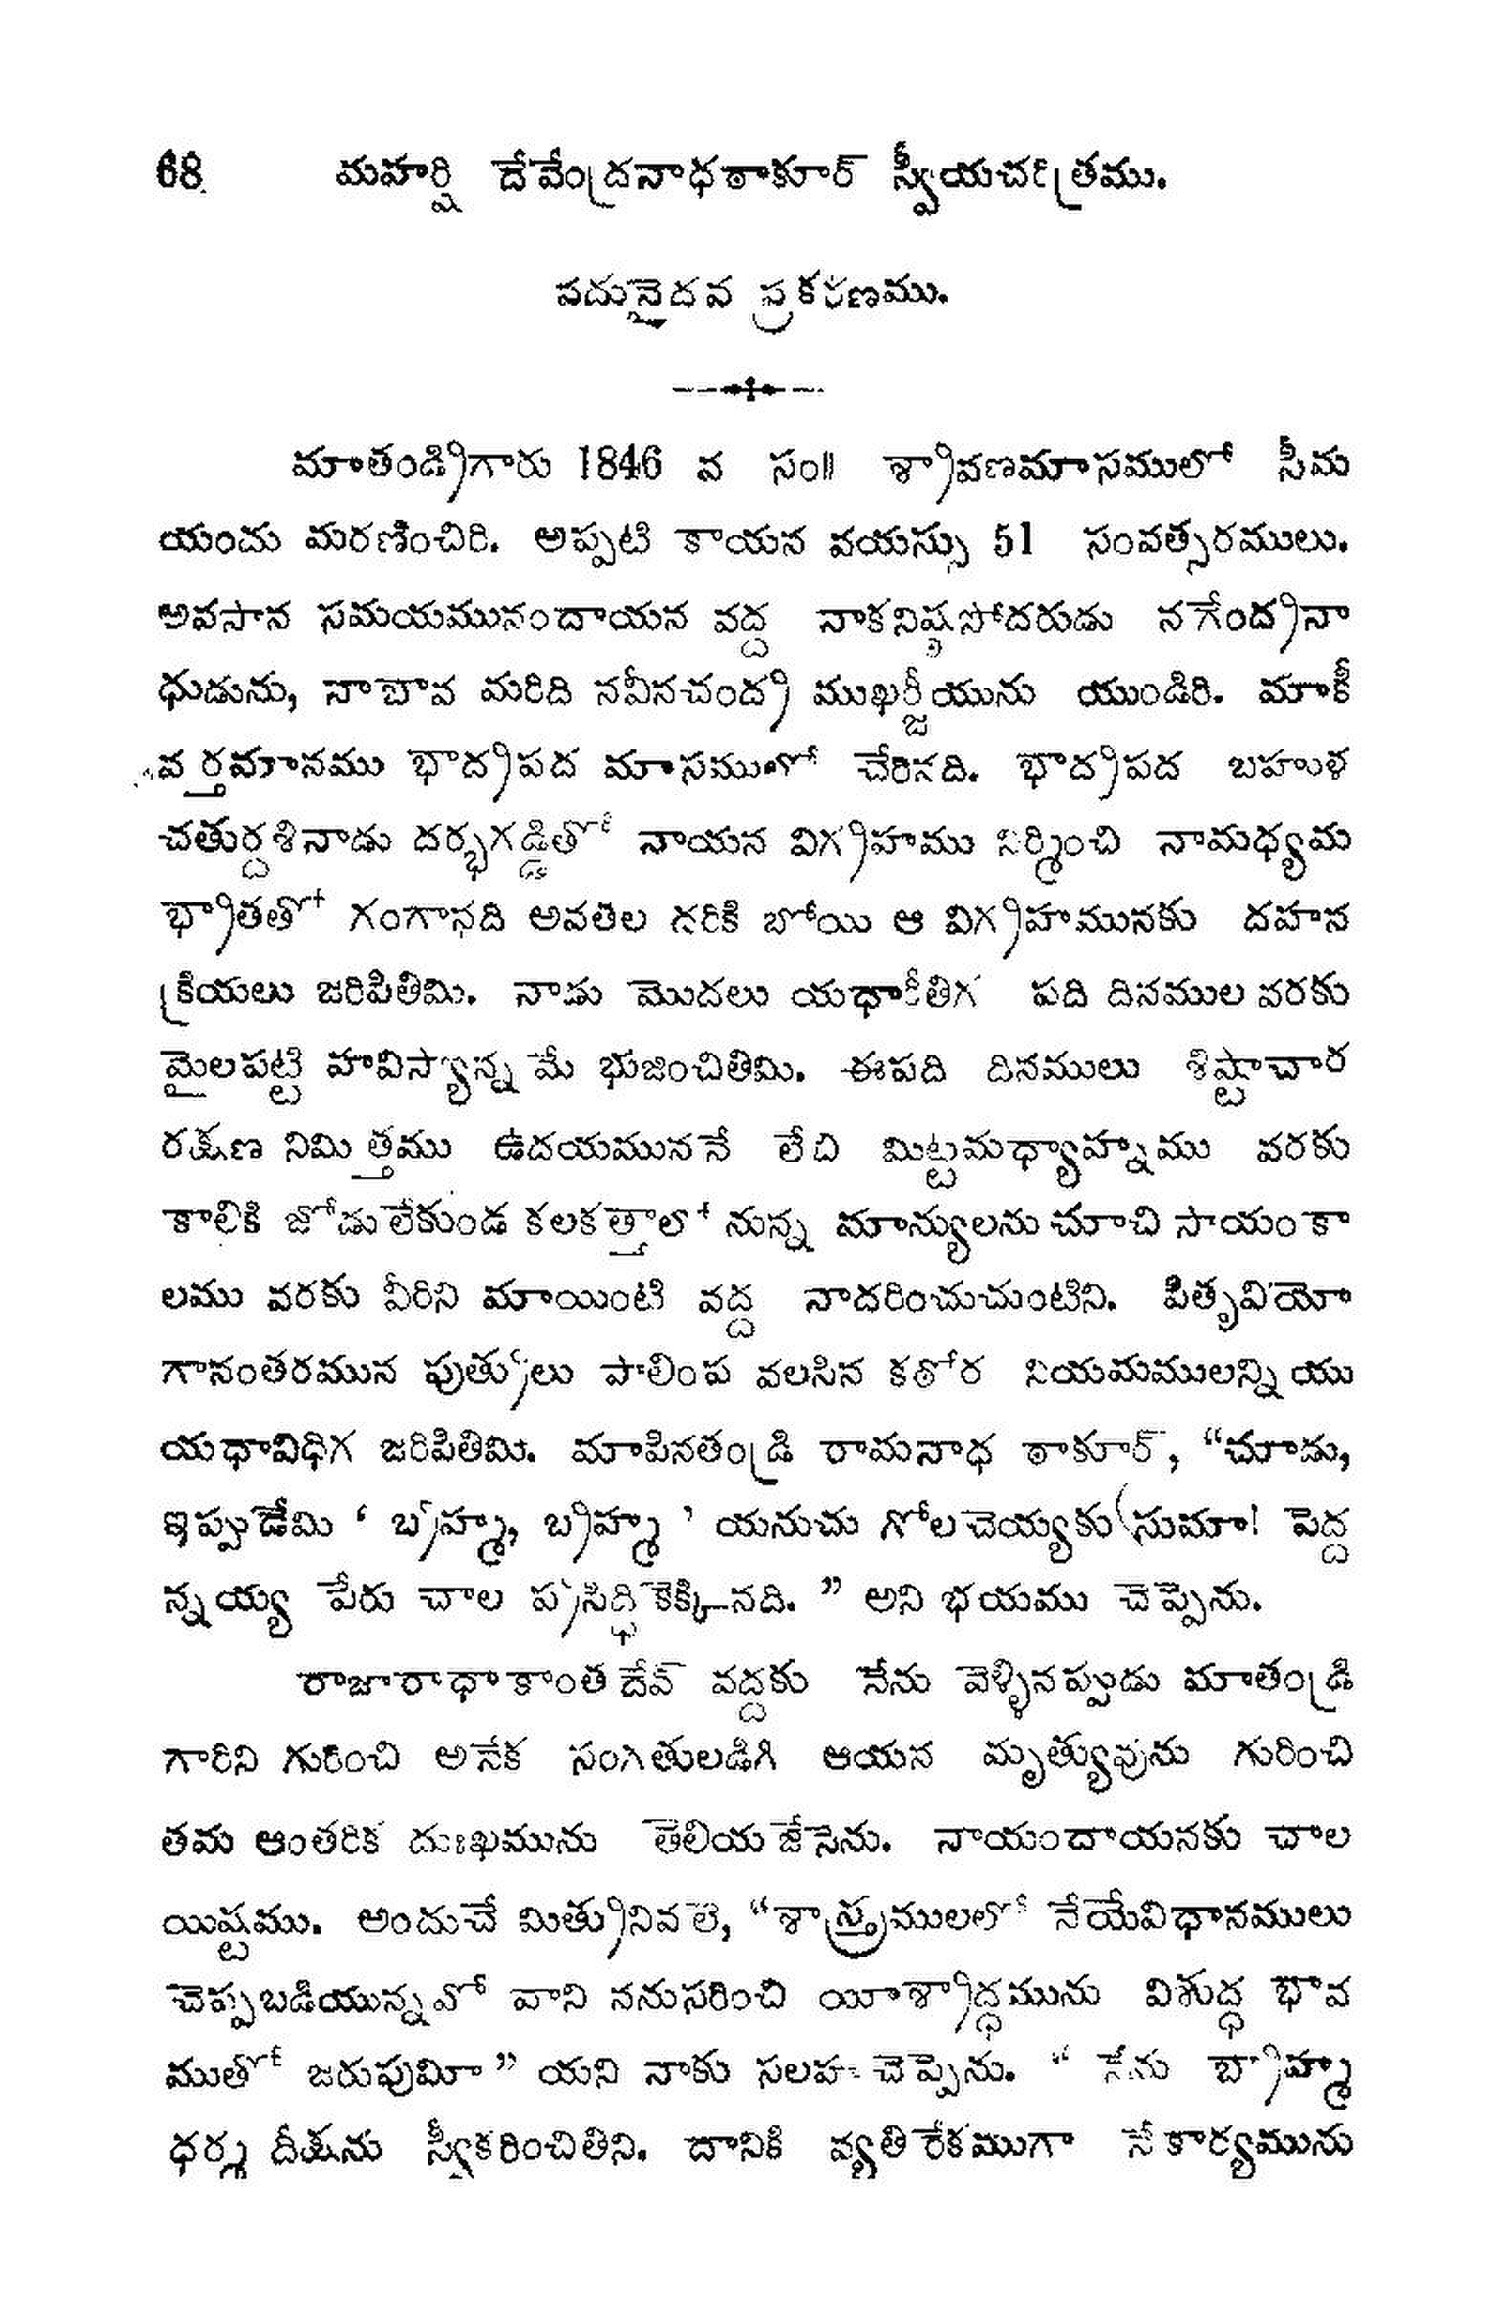మాతండ్రిగారు 1846 న సం|| శ్రావణ మాసములో సీమయందు మరణించిరి.
అప్పటి కాయన వయస్సు 51 సంవత్సరములు.అవసాన సమయమునం దాయన 
వద్ద నాకనిష్ఠ సోదరుడు నగేంద్రనాధుడును, నా బావ మరిది నవీన చంద్ర ముఖర్జీ
యును యుండిరి. మాకీవర్తమానము భాధ్రపద మాసములో చేరినది. 'భాదపద బహుళచతుర్దశినాడు దర్భగడ్డితో నాయన విగ్రహము నిర్మించి నామధ్యమ
బ్రాతతో గంగానది అవతల దరికి బోయి ఆ విగ్రహమునకు దహనక్రియలు జరిపితిమి. నాడు మొదలు యధారీతిగ పది దినముల వరకుమైలపట్టి హవీస్యాన్నమే భుజించితిమి. ఈపది దినములు శిష్టాచారరక్షణ నిమిత్తము ఉదయముననే లేచి మిట్ట మధ్యాహ్నము వరకుకాలికి జోడు లేకుండ కలకత్తాలో నున్న మాన్యులను చూచి సాయంకాలము వరకు వీరిని మాయింటివద్దపితృవియో గానంతరమున పుతులు పాలింప వలసిన కఠోర సియమములన్ని యు యధావిధిగ జరిపితిమి. మాపినతండ్రి రామనాధ ఠాకూర్ , “చూడు,ఇప్పుడేమి • బహ్మ, బ్రహ్మ ' యనుచు గోల చెయ్యకు సుమా! పెద్దన్నయ్య పేరు చాల ప్రసిద్ధి కెక్కినది. " అని భయము చెప్పెను.

రాజా రాధాకాంత దేప్ వద్దకు నేను వెళ్ళినప్పుడు మాతండ్రిగారిని గురించి అనేక సంగతులడిగి ఆయన మృత్యువును గురించితమ ఆంతరిక దుఃఖమును తెలియ 
జేసెను. నాయందాయనకు చాల యిష్టము. అందుచే మిత్రుని వలె, “శాస్త్రము 
ములలో నేయేవిధానములు చెప్పబడియున్నవో వాని ననుసరించి యీశాద్ధమును 
విశుద్ధ భావముతో జరుపుమీ ” యని నాకు సలప, చెప్పెను. " నేను "బ్రాహ్మ"
ధర్మ దీక్షను స్వీకరించితిని. దానికి వ్యతి రేకముగా సే కార్యమును
నాదరించు చుంటిని.